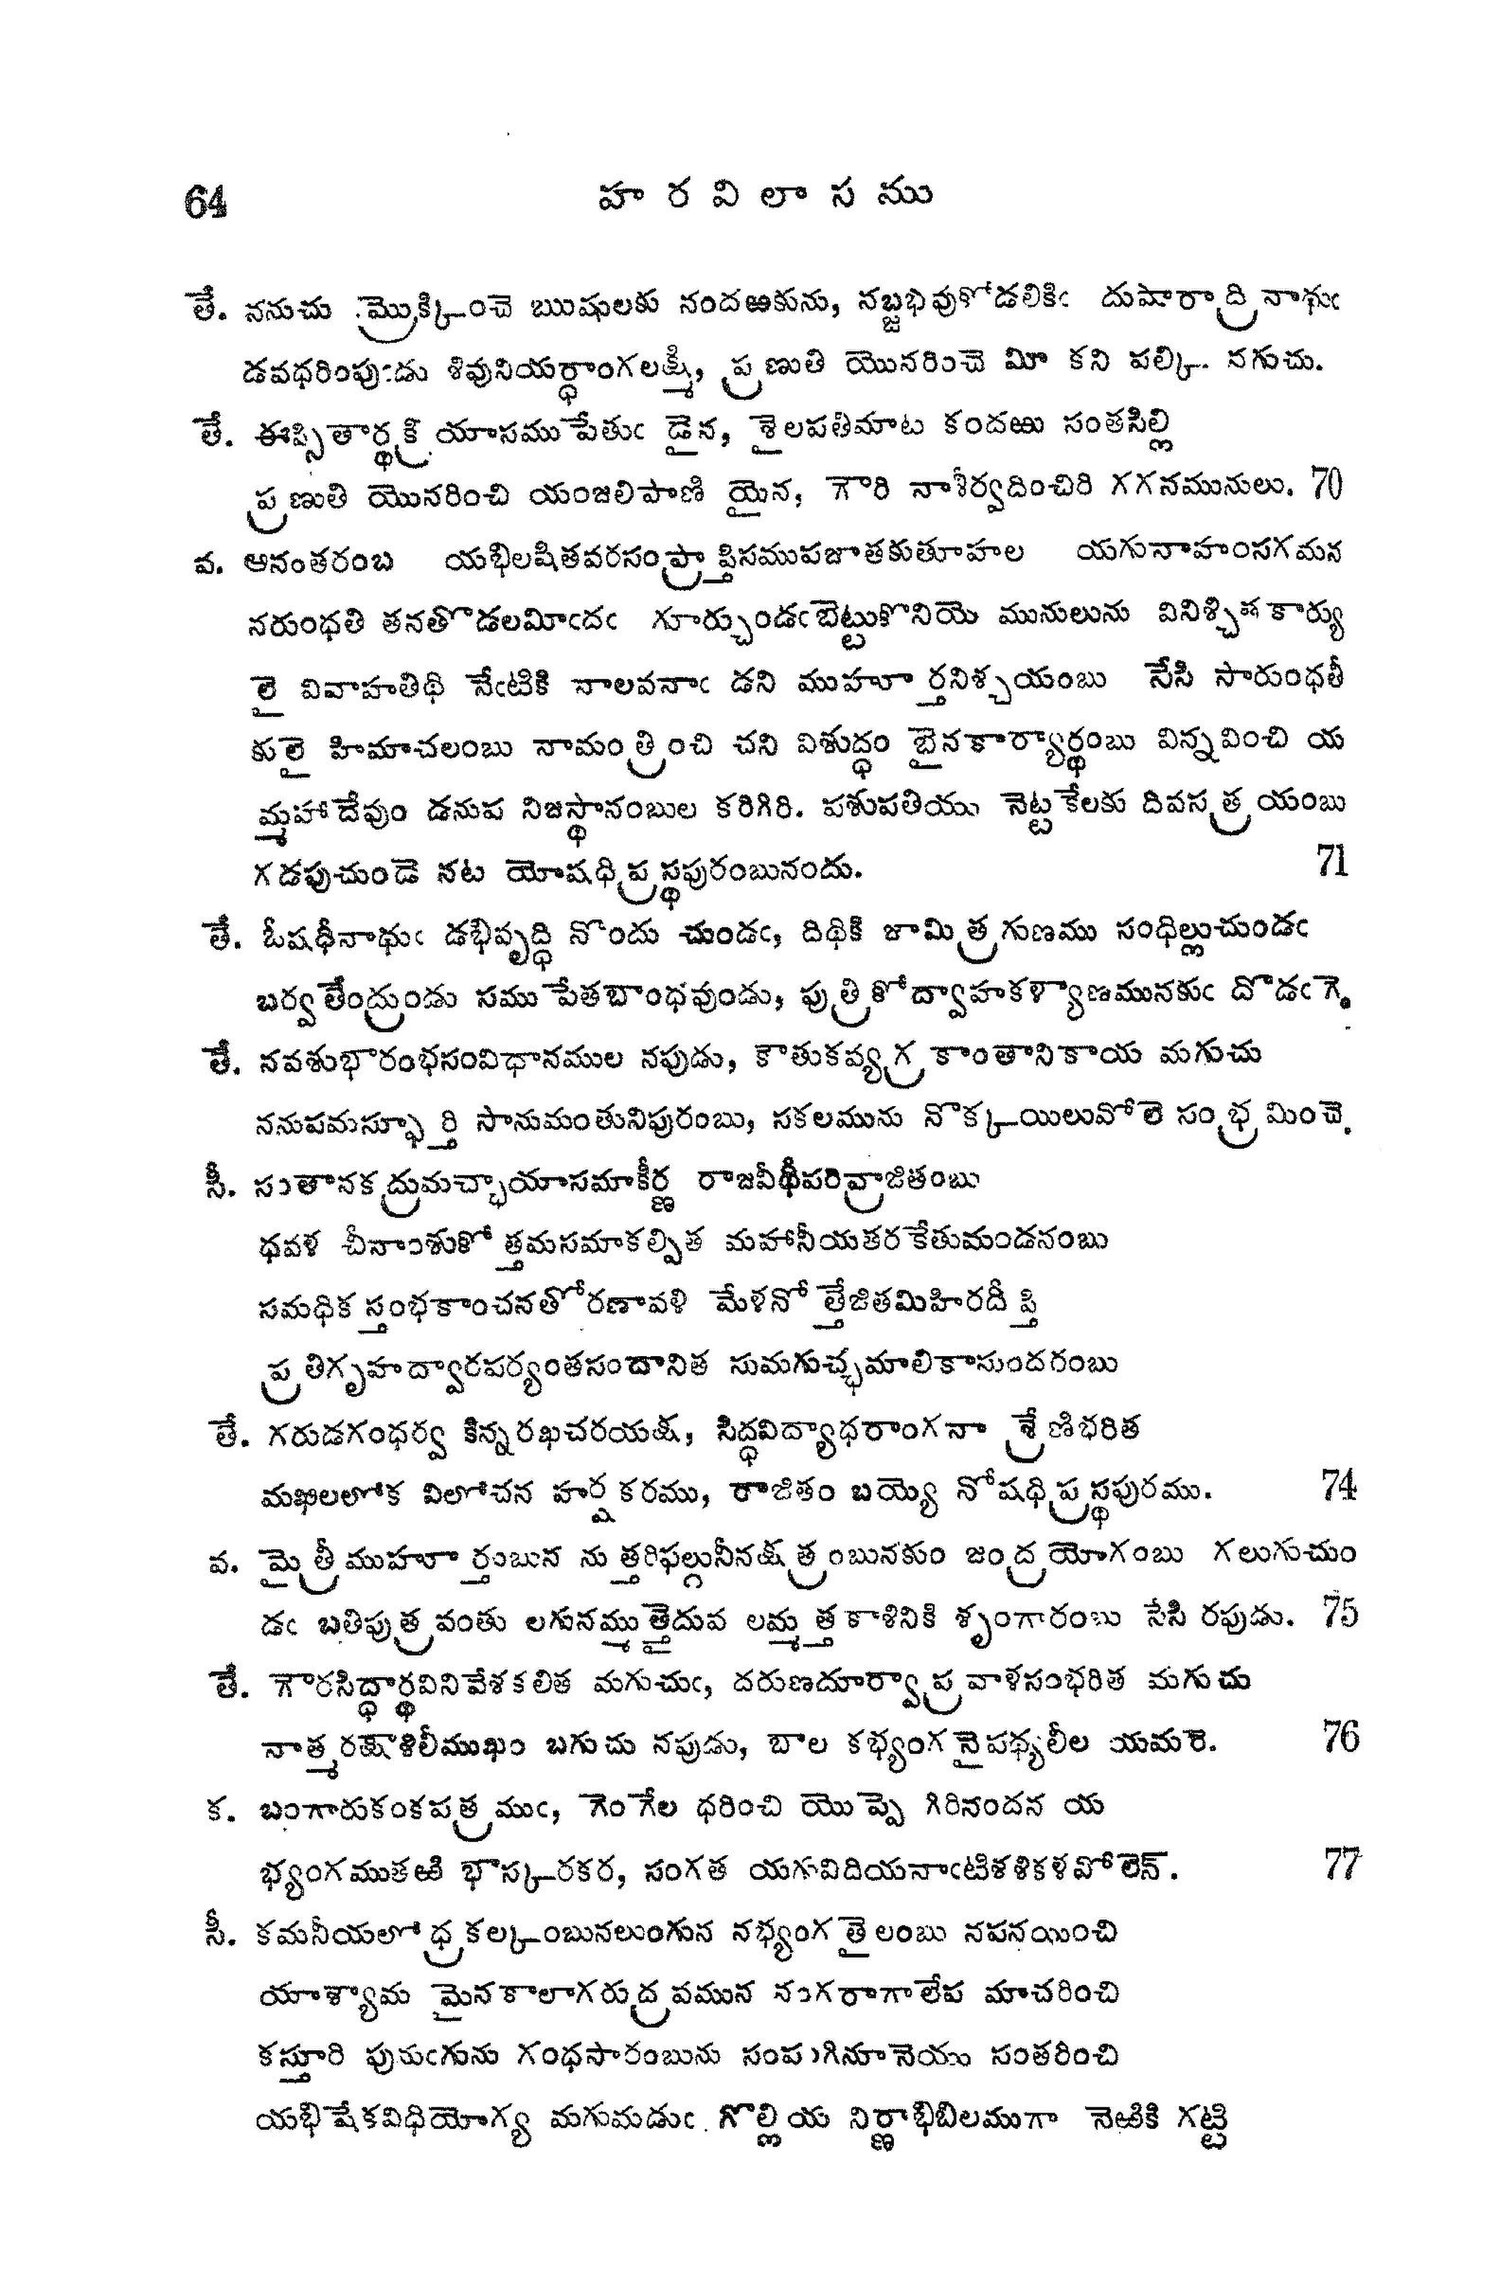తే. ననుచు మొక్కించె ఋషులకు నందఱకును, నబ్జభవుకోడలికిఁ దుషారాద్రినాథుఁ
డవధరింపుఁడు శివునియర్ధాంగలక్ష్మి, ప్రణుతి యొనరించె మీ కని పల్కి నగుచు. 69

తే. ఈప్సితార్థక్రియాసముపేతుఁ డైన, శైలపతిమాట కందఱు సంతసిల్లి
ప్రణుతి యొనరించి యంజలిపాణి యైన, గౌరి నాశీర్వదించిరి గగనమునులు. 70

వ. అనంతరంబ యభిలషితవరసంప్రాప్తిసముపజాతకుతూహల యగునాహంసగమన నరుంధతి తనతొడలమీఁదఁ గూర్చుండఁబెట్టుకొనియె మునులును వినిశ్చితకార్యులై వివాహతిథి నేఁటికి నాలవనాఁ డని ముహూర్తనిశ్చయంబు సేసి సారుంధతీకులై హిమాచలంబు నామంత్రించి చని విశుద్ధం బైనకార్యార్థంబు విన్నవించి యమ్మహాదేవుం డనుప నిజస్థానంబుల కరిగిరి. పశుపతియు నెట్టకేలకు దివసత్రయంబు గడపుచుండె నట యోషధిప్రస్థపురంబునందు. 71

తే. ఓషధీనాథుఁ డభివృద్ధి నొందుచుండఁ, దిథికి జామిత్రగుణము సంధిల్లుచుండ
బర్వతేంద్రుండు సముపేతబాంధవుండు, పుత్రికోద్వాహకళ్యాణమునకుఁ దొడఁగె. 72

తే. నవశుభారంభసంవిధానముల నపుడు, కౌతుకవ్యగ్రకాంతానికాయ మగుచు
ననుపమస్ఫూర్తి సానుమంతునిపురంబు, సకలమును నొక్కయిలువోలె సంభ్రమించె. 73 

సీ. సంతానకద్రుమచ్ఛాయాసమాకీర్ణ రాజవీథీపరివ్రాజితంబు
ధవళచీనాంశుకోత్తమసమాకల్పిత మహానీయతరకేతుమండనంబు
సమధికస్తంభకాంచనతోరణావళి మేళనోత్తేజితమిహిరదీప్తి
ప్రతిగృహద్వారపర్యంతసందానిత సుమగుచ్ఛమాలికాసుందరంబు
తే. గరుడగంధర్వకిన్నరఖచరయక్ష, సిద్ధవిద్యాధరాంగనాశ్రేణిభరిత
మఖిలలోకవిలోచనహర్షకరము, రాజితం బయ్యె నోషధిప్రస్థపురము. 74

వ. మైత్రీముహూర్తంబున నుత్తరిఫల్గునీనక్షత్రంబునకుం జంద్రయోగంబు గలుగుచుండఁ బతిపుత్రవంతు లగునమ్ముత్తైదువ లమ్మత్తకాశినికి శృంగారంబు సేసి రపుడు. 75

తే. గౌరసిద్ధార్థవినివేశకలిత మగుచుఁ, దరుణదూర్వాప్రవాళసంభరిత మగుచు
నాత్మరక్షాళిలీముఖం బగుచు నపుడు, బాల కభ్యంగనైపథ్యలీల యమరె. 76

క. బంగారుకంకపత్రముఁ, గెంగేల ధరించి యొప్పె గిరినందన య
భ్యంగముతఱి భాస్కరకర, సంగత యగువిదియనాఁటిశశికళవోలెన్. 77

సీ. కమనీయలోధ్రకల్కంబునలుంగున నభ్యంగతైలంబు నపనయించి
యాశ్యామ మైనకాలాగరుద్రవమున నంగరాగాలేప మాచరించి
కస్తూరి పునుఁగును గంధసారంబును సంపంగినూనెయు సంతరించి
యభిషేకవిధియోగ్య మగుమడుఁ గొల్లియ నిర్ణాభిబిలముగా నెఱికి గట్టి